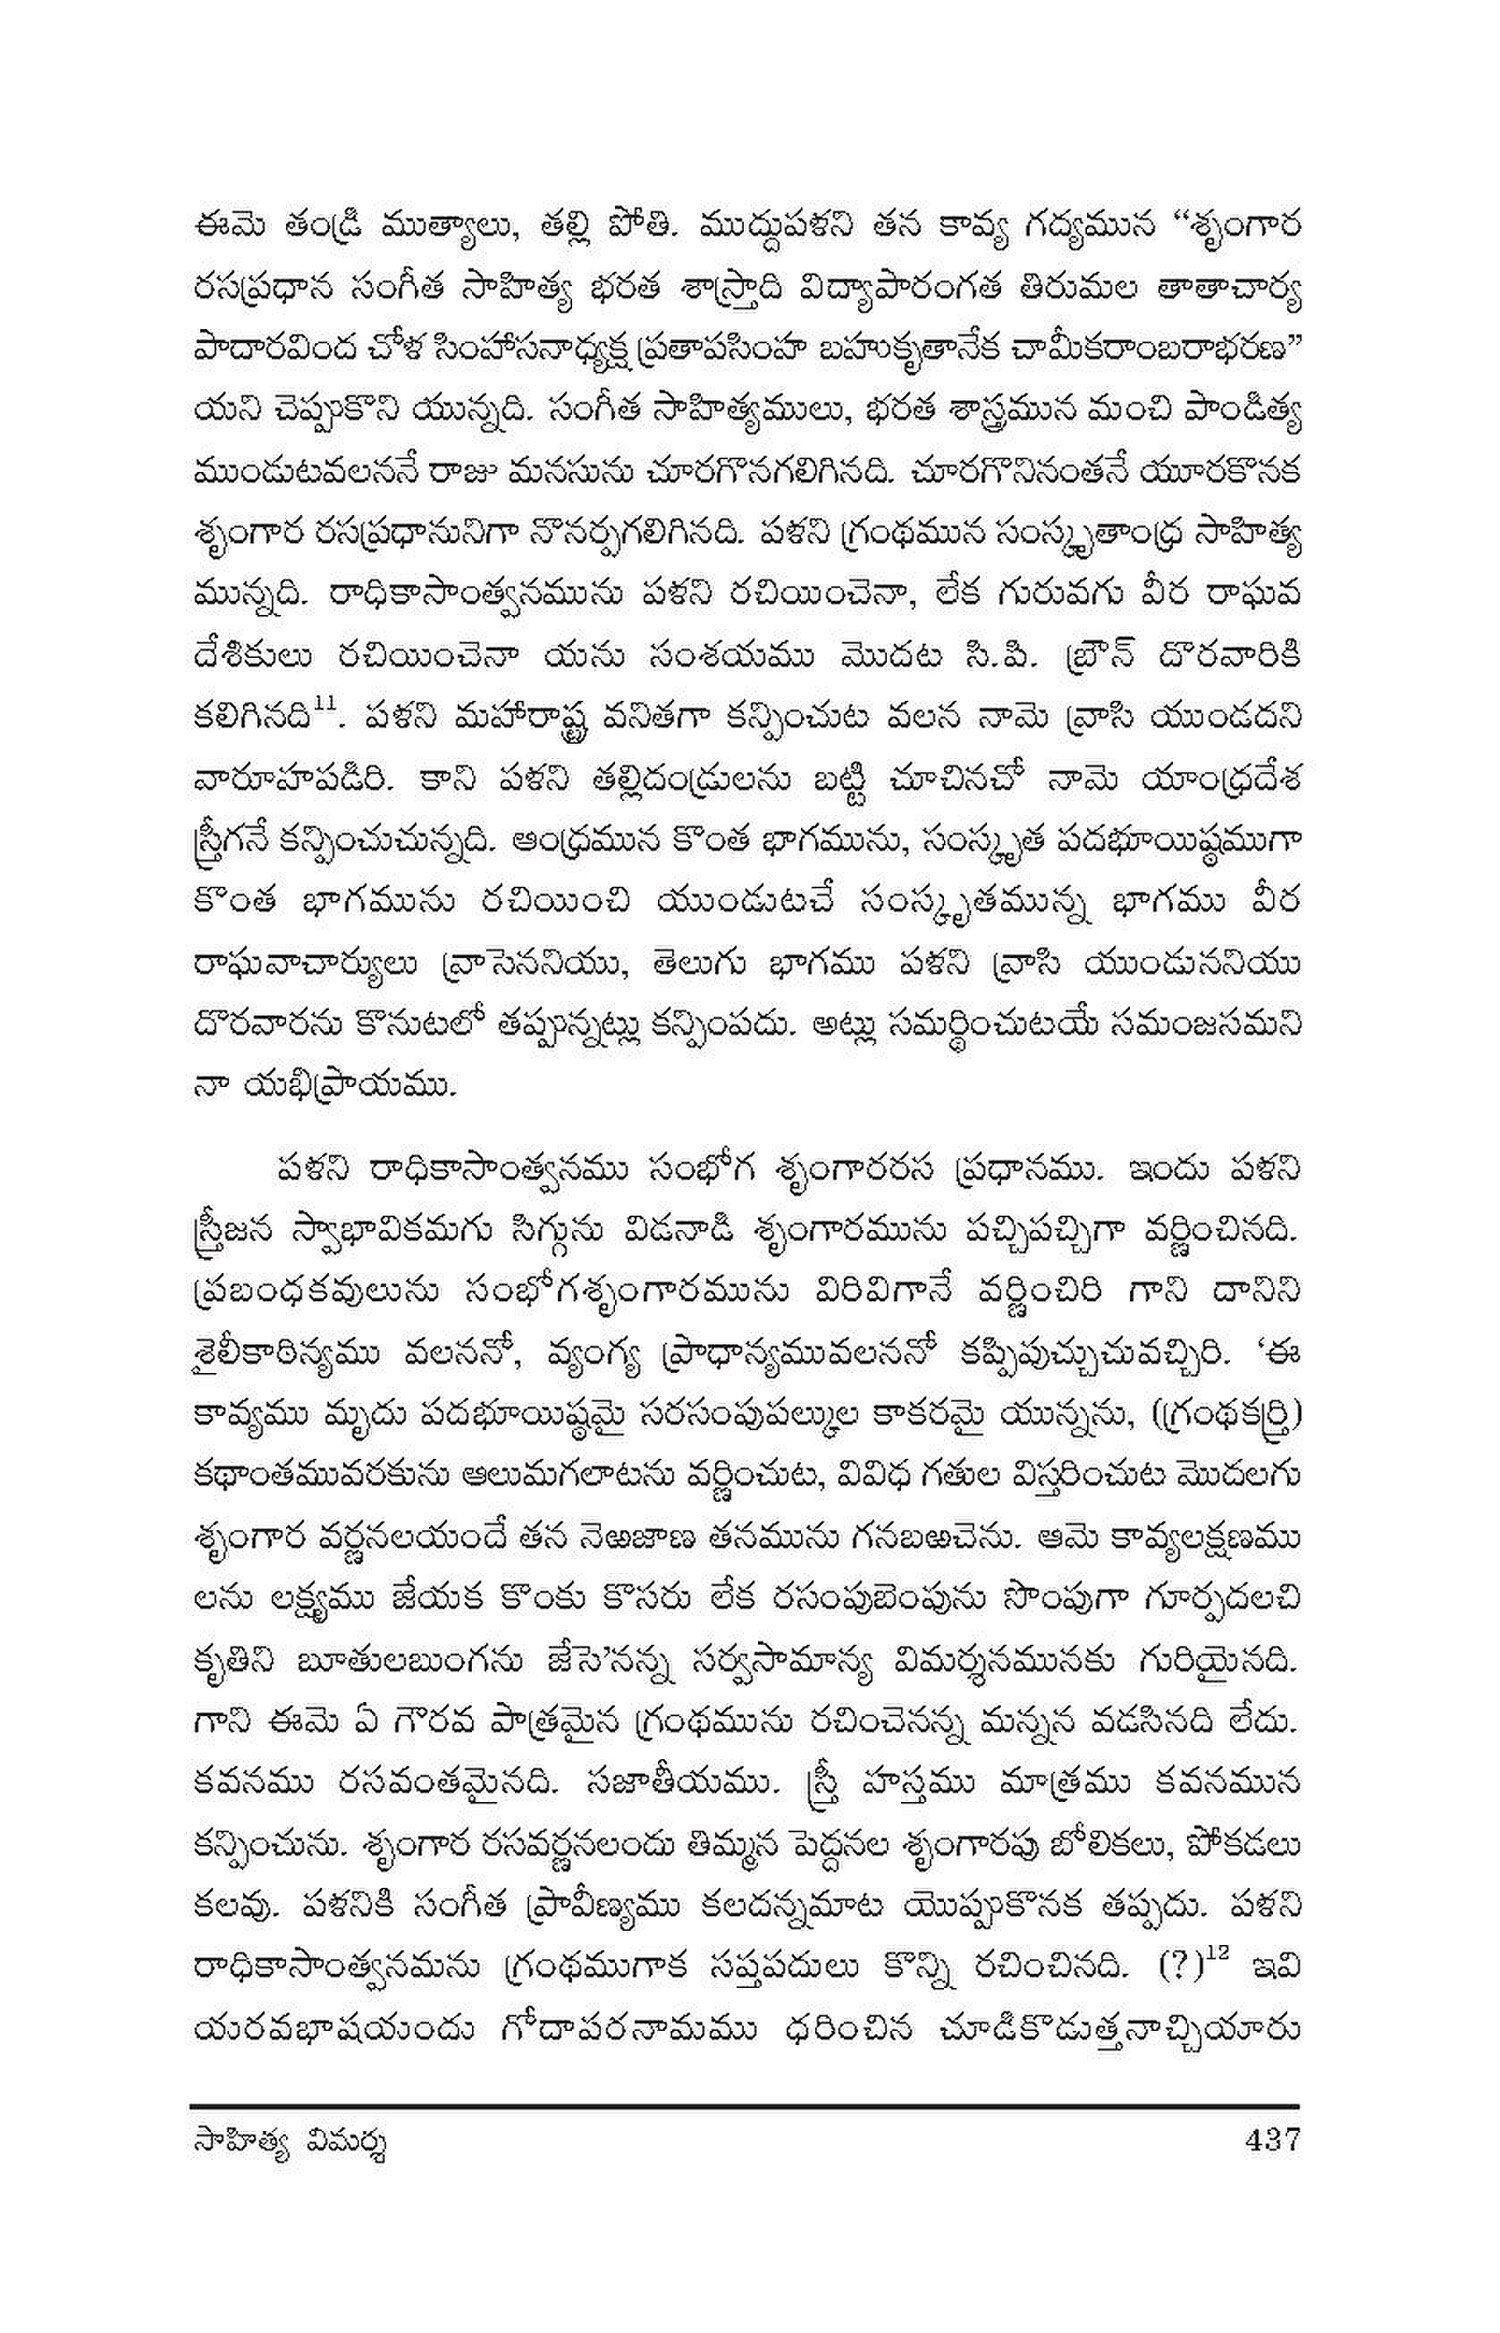ఈమె తండ్రి ముత్యాలు, తల్లి పోతి. ముద్దుపళని తన కావ్య గద్యమున "శృంగార
రసప్రధాన సంగీత సాహిత్య భరత శాస్త్రాది విద్యాపారంగత తిరుమల తాతాచార్య
పాదారవింద చోళ సింహాసనాధ్యక్ష ప్రతాపసింహ బహుకృతానేక చామీకరాంబరాభరణ”
యని చెప్పుకొని యున్నది. సంగీత సాహిత్యములు, భరత శాస్త్రమున మంచి పాండిత్య
ముండుటవలననే రాజు మనసును చూరగొనగలిగినది. చూరగొనినంతనే యూరకొనక
శృంగార రసప్రధానునిగా నొనర్పగలిగినది. పళని గ్రంథమున సంస్కృతాంధ్ర సాహిత్య
మున్నది. రాధికాసాంత్వనమును పళని రచియించెనా, లేక గురువగు వీర రాఘవ
దేశికులు రచియించెనా యను సంశయము మొదట సి.పి. బ్రౌన్ దొరవారికి
కలిగినది11. పళని మహారాష్ట్ర వనితగా కన్పించుట వలన నామె వ్రాసి యుండదని
వారూహపడిరి. కాని పళని తల్లిదండ్రులను బట్టి చూచినచో నామె యాంధ్రదేశ
స్త్రీగనే కన్పించుచున్నది. ఆంధ్రమున కొంత భాగమును, సంస్కృత పదభూయిష్ఠముగా
కొంత భాగమును రచియించి యుండుటచే సంస్కృతమున్న భాగము వీర
రాఘవాచార్యులు వ్రాసెననియు, తెలుగు భాగము పళని వ్రాసి యుండుననియు
దొరవారను కొనుటలో తప్పున్నట్లు కన్పింపదు. అట్లు సమర్థించుటయే సమంజసమని
నా యభిప్రాయము.

పళని రాధికాసాంత్వనము సంభోగ శృంగారరస ప్రధానము. ఇందు పళని
స్త్రీజన స్వాభావికమగు సిగ్గును విడనాడి శృంగారమును పచ్చిపచ్చిగా వర్ణించినది.
ప్రబంధకవులును సంభోగశృంగారమును విరివిగానే వర్ణించిరి గాని దానిని
శైలీకాఠిన్యము వలననో, వ్యంగ్య ప్రాధాన్యమువలననో కప్పిపుచ్చుచువచ్చిరి. 'ఈ
కావ్యము మృదు పదభూయిష్ఠమై సరసంపుపల్కుల కాకరమై యున్నను, (గ్రంథకర్త్రి )
కథాంతమువరకును ఆలుమగలాటను వర్ణించుట, వివిధ గతుల విస్తరించుట మొదలగు
శృంగార వర్ణనలయందే తన నెఱజాణ తనమును గనబఱచెను. ఆమె కావ్యలక్షణము
లను లక్ష్యము జేయక కొంకు కొసరు లేక రసంపుబెంపును సొంపుగా గూర్పదలచి
కృతిని బూతులబుంగను జేసె'నన్న సర్వసామాన్య విమర్శనమునకు గురియైనది.
గాని ఈమె ఏ గౌరవ పాత్రమైన గ్రంథమును రచించెనన్న మన్నన వడసినది లేదు.
కవనము రసవంతమైనది. సజాతీయము. స్త్రీ హస్తము మాత్రము కవనమున
కన్పించును. శృంగార రసవర్ణనలందు తిమ్మన పెద్దనల శృంగారపు బోలికలు, పోకడలు
కలవు. పళనికి సంగీత ప్రావీణ్యము కలదన్నమాట యొప్పుకొనక తప్పదు. పళని
రాధికాసాంత్వనమను గ్రంథముగాక సప్తపదులు కొన్ని రచించినది. (?)12 ఇవి
యరవభాషయందు గోదావరనామము ధరించిన చూడికొడుత్తనాచ్చియారు